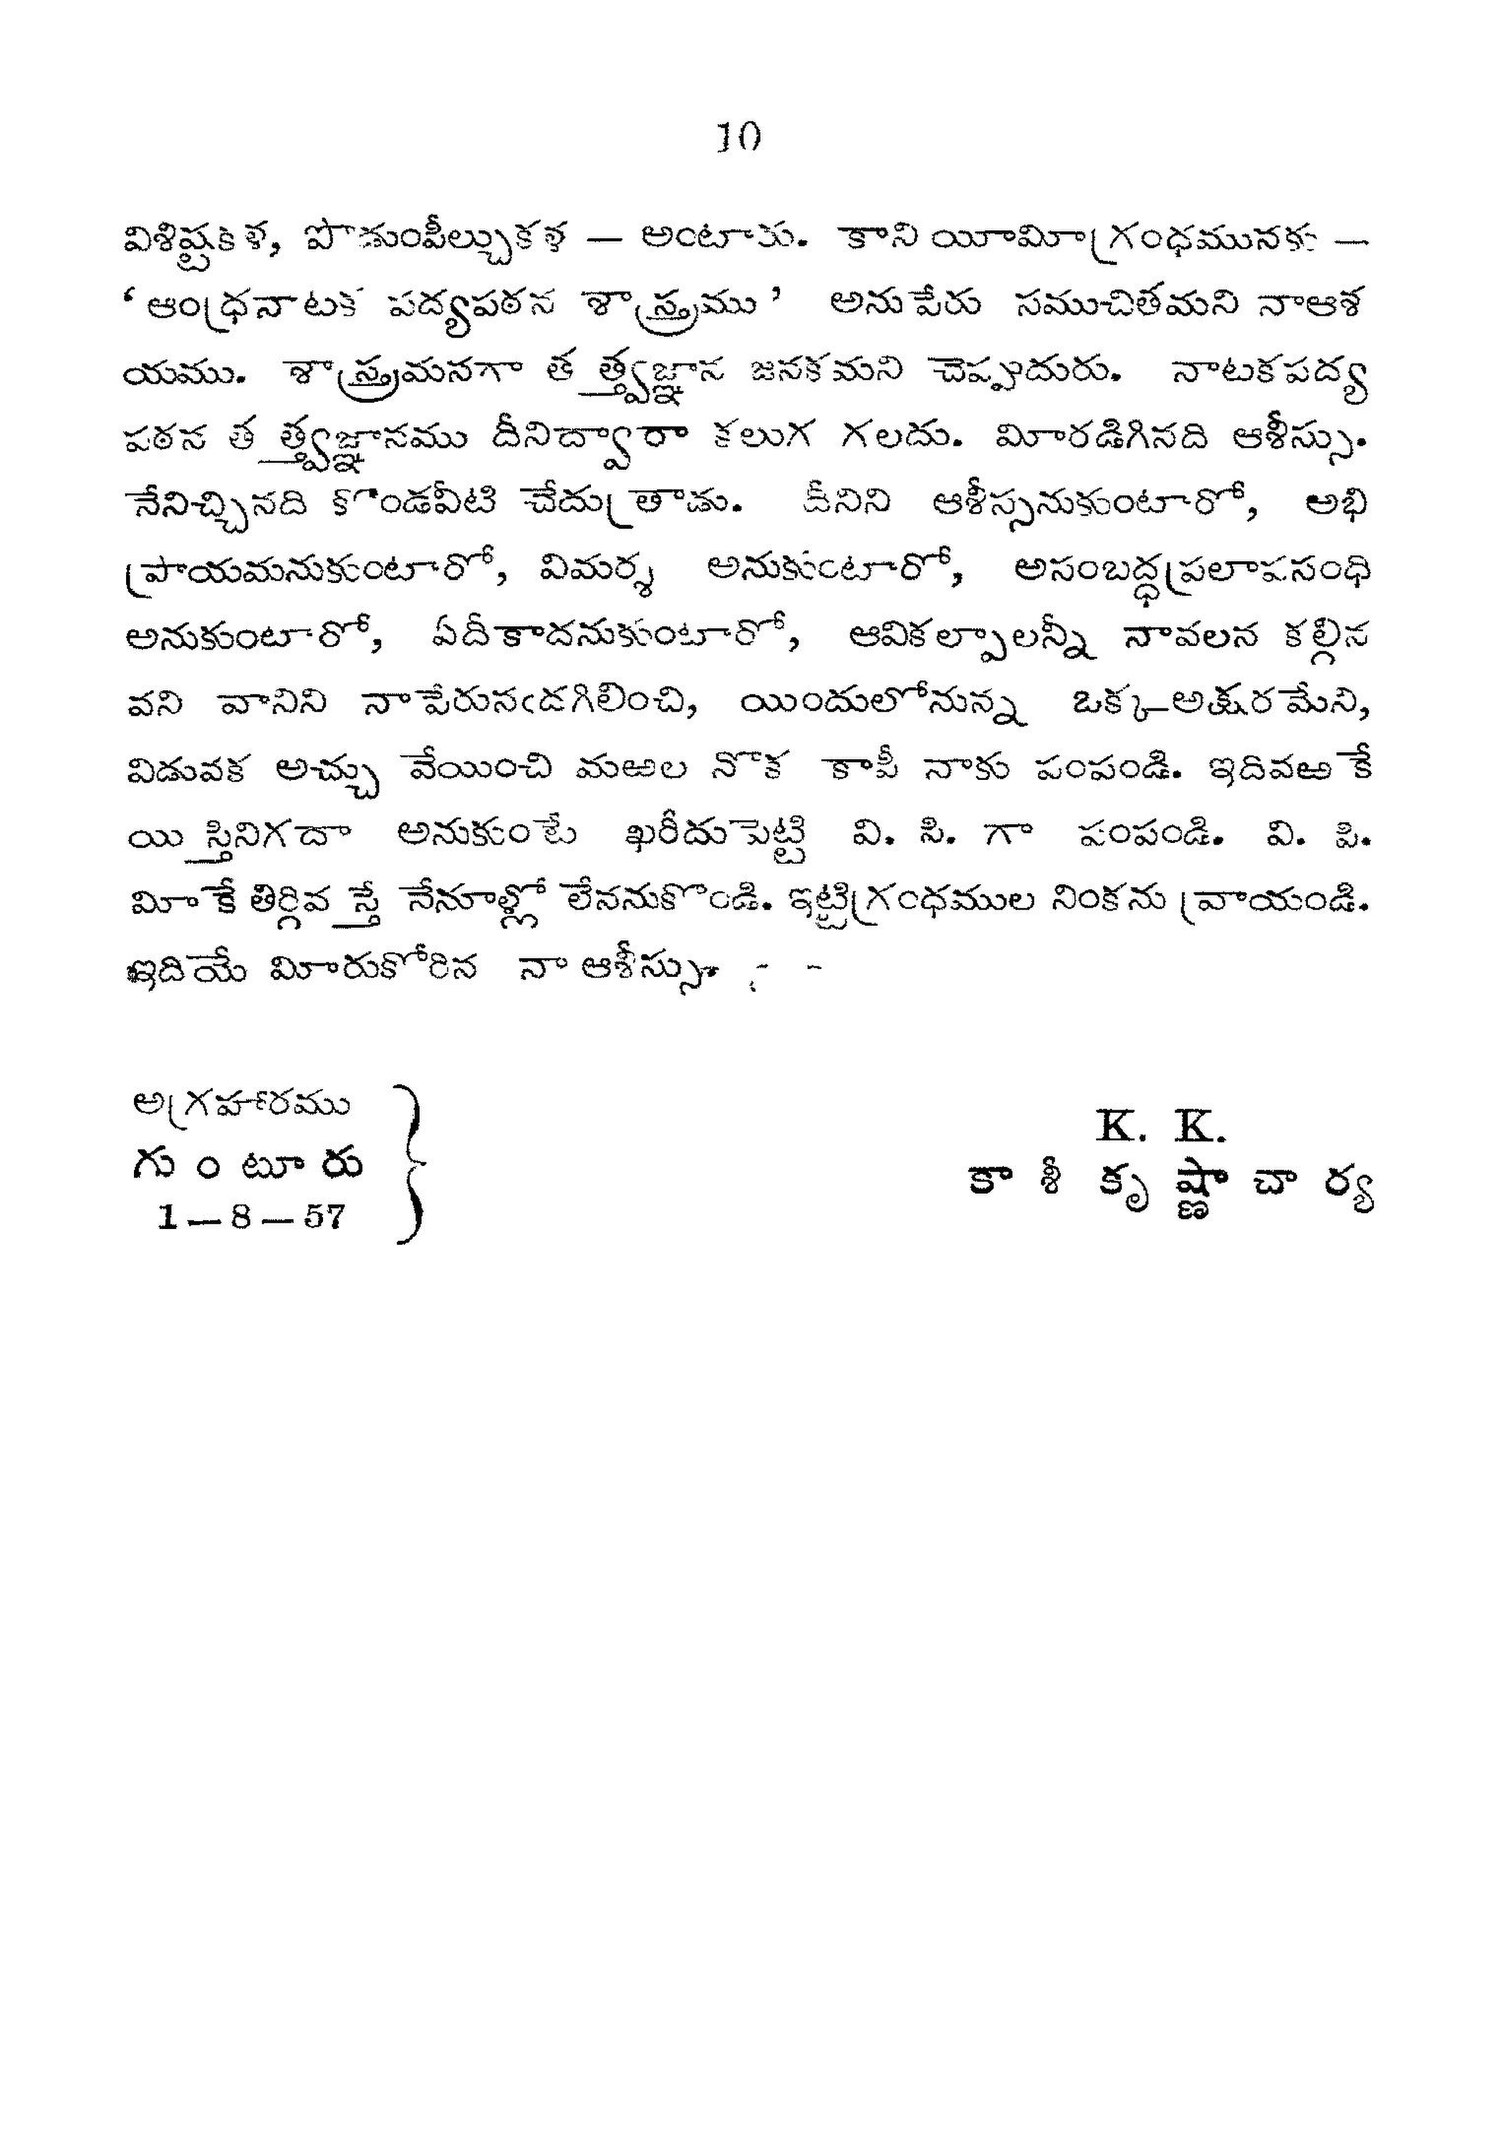విశిష్టకళ, పొడుంపీల్చుకళ - అంటారు. కాని యీమీగ్రంధమునకు - 
'ఆంధ్రనాటక పద్యపఠన శాస్త్రము' అనుపేరు సముచితమని నాఆశ
యము. శాస్త్రమనగా తత్వజ్ఞాన జనకమని చెప్పుదురు. నాటకపద్య
పఠన తత్త్వజ్ఞానము దీనిద్వారా కలుగ గలదు. మీరడిగినది ఆశీస్సు.
నేనిచ్చినది కొండవీటి చేదుత్రాడు. దీనిని ఆశీస్సనుకుంటారో, అభి
ప్రాయమనుకుంటారో, విమర్శ అనుకుంటారో, అసంబద్ధప్రలాపసంధి
అనుకుంటారో, ఏదీకాదనుకుంటారో, ఆవికల్పాలన్నీ నావలన కల్గిన
వని వానిని నాపేరునఁదగిలించి, యిందులోనున్న ఒక్కఅక్షరమేని,
విడువక అచ్చు వేయించి మఱల నొక కాపీ నాకు పంపండి. ఇదివఱకే
యిస్తినిగదా అనుకుంటే ఖరీదుపెట్టి వి.పి. గా పంపండి. వి. పి.
మీకే తిర్గివస్తే నేనూళ్లో లేననుకొండి. ఇట్టిగ్రంధముల నింకను వ్రాయండి.
ఇదియే మీరుకోరిన నా ఆశీస్సు,